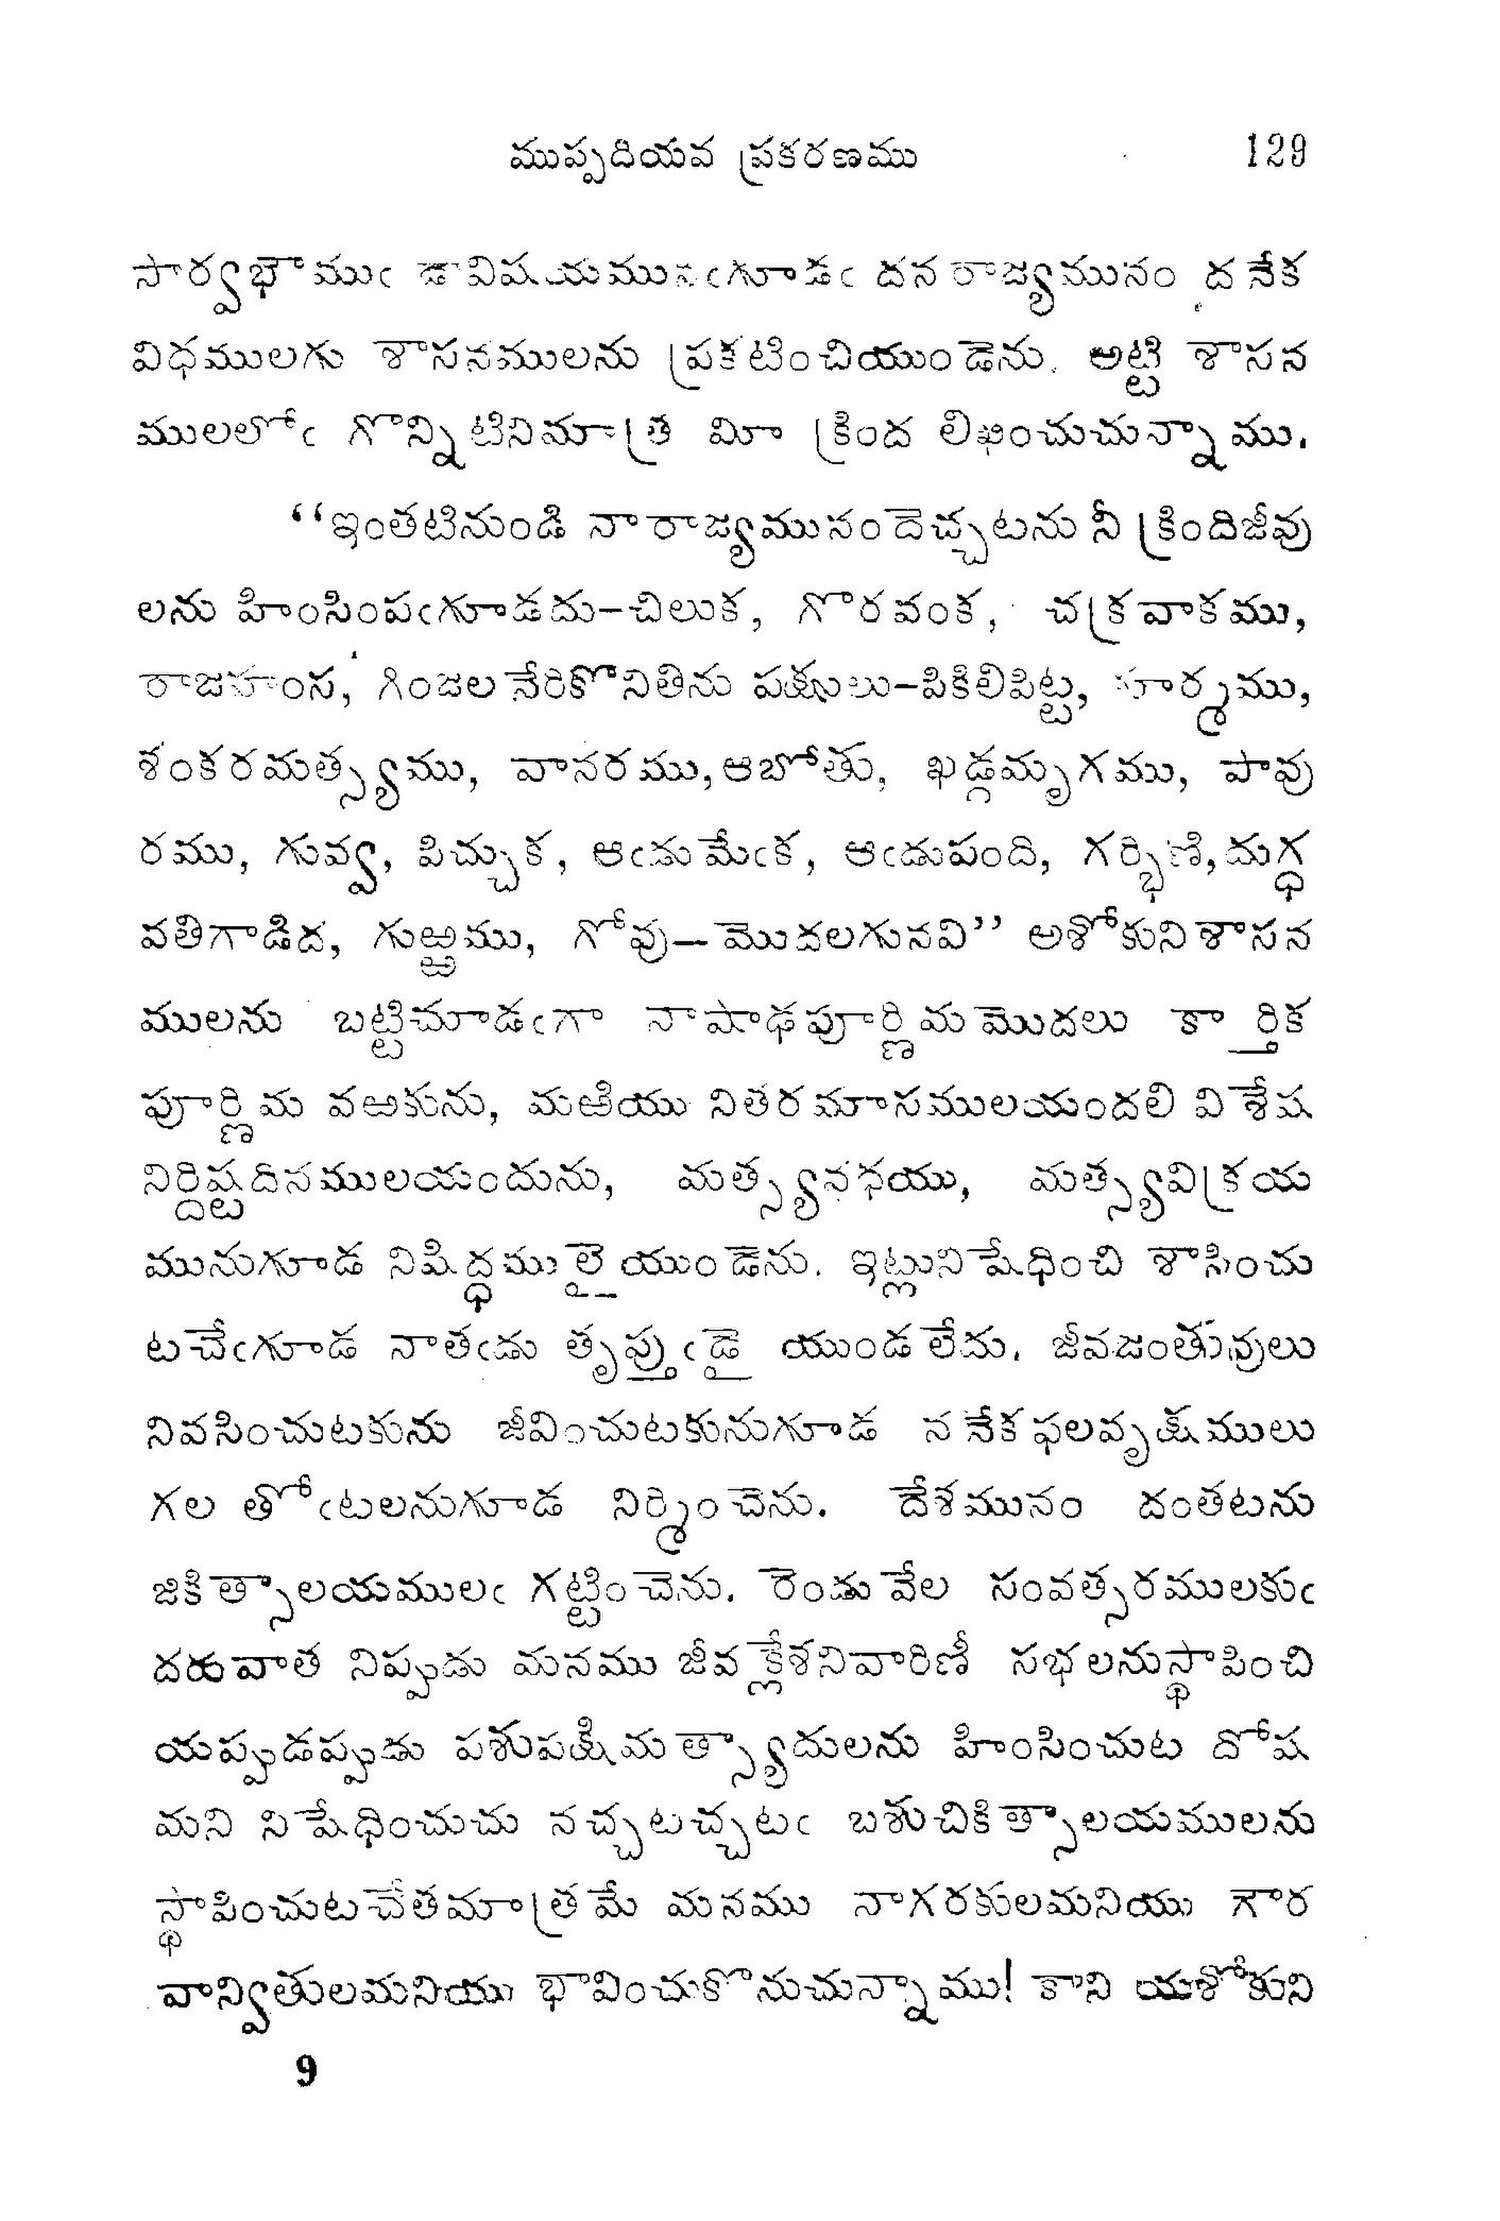'
సార్వభౌముఁ - డావిషమమునఁగూడఁ దన రాజ్యమునం దనేక విధములగు శాసనములను ప్రకటించియుండెను. అట్టి శాసనములలోఁ గొన్నిటిని మాత్ర మీ క్రింద లిఖించుచున్నాము.

“ ఇంతటినుండి నారాజ్యము నందెచ్చటను నీ క్రిందిజీవులను హింసింపఁగూడదు-చిలుక, గొర వంక , చక్రవాకము, రాజహంస, గింజల నేరికొనితిను పక్షులు పికిలిపిట్ట, కూర్మము,
శంకరమత్స్యము, వానరము, ఆబోతు, ఖడ్గమృగము, పావురము, గువ్వ, పిచ్చుక , ఆడు మేఁక , ఆఁడుపంది, గర్భిణి, దుగ్ధవతిగాడిద, గుఱ్ఱము, గోవు- మొదలగునవి” అశోకుని శాసన
ములను బట్టిచూడఁగా నాషాఢ పూర్ణిమ మొదలు కార్తికపూర్ణిమ వఱకును, మఱియు నితర మాసములయందలి విశేష నిర్దిష్టదినములయందును, మత్స్యవధయు, మత్స్య విక్రయ
మునుగూడ నిషిద్ధములై యుండెను. ఇట్లునిషేధించి శాసించుటచేఁగూడ నాతఁడు తృప్తుఁడై యుండ లేదు. జీవజంతువులు నివసించుటకును జీవించుటకునుగూడ ననేక ఫలవృక్షములు
గల తోఁటలనుగూడ నిర్మించెను. దేశమునం దంతటను జికిత్సాలయములఁ గట్టించెను. రెండు వేల సంవత్సరములకుఁ దరువాత నిప్పుడు మనము జీవ క్లేశనివారిణీ సభలను స్థాపించి యప్పుడప్పుడు పశుపక్ష్మిమ త్స్యాదులను హింసించుట దోషమని నిషేధించుచు నచ్చటచ్చటఁ బశుచికి త్సాలయములను స్థాపించుట చేతమాత్రమే మనము నాగరకుల మనియు గౌరవాన్వితులమనియు భావించు కొనుచున్నాము! కాని యశోకుని